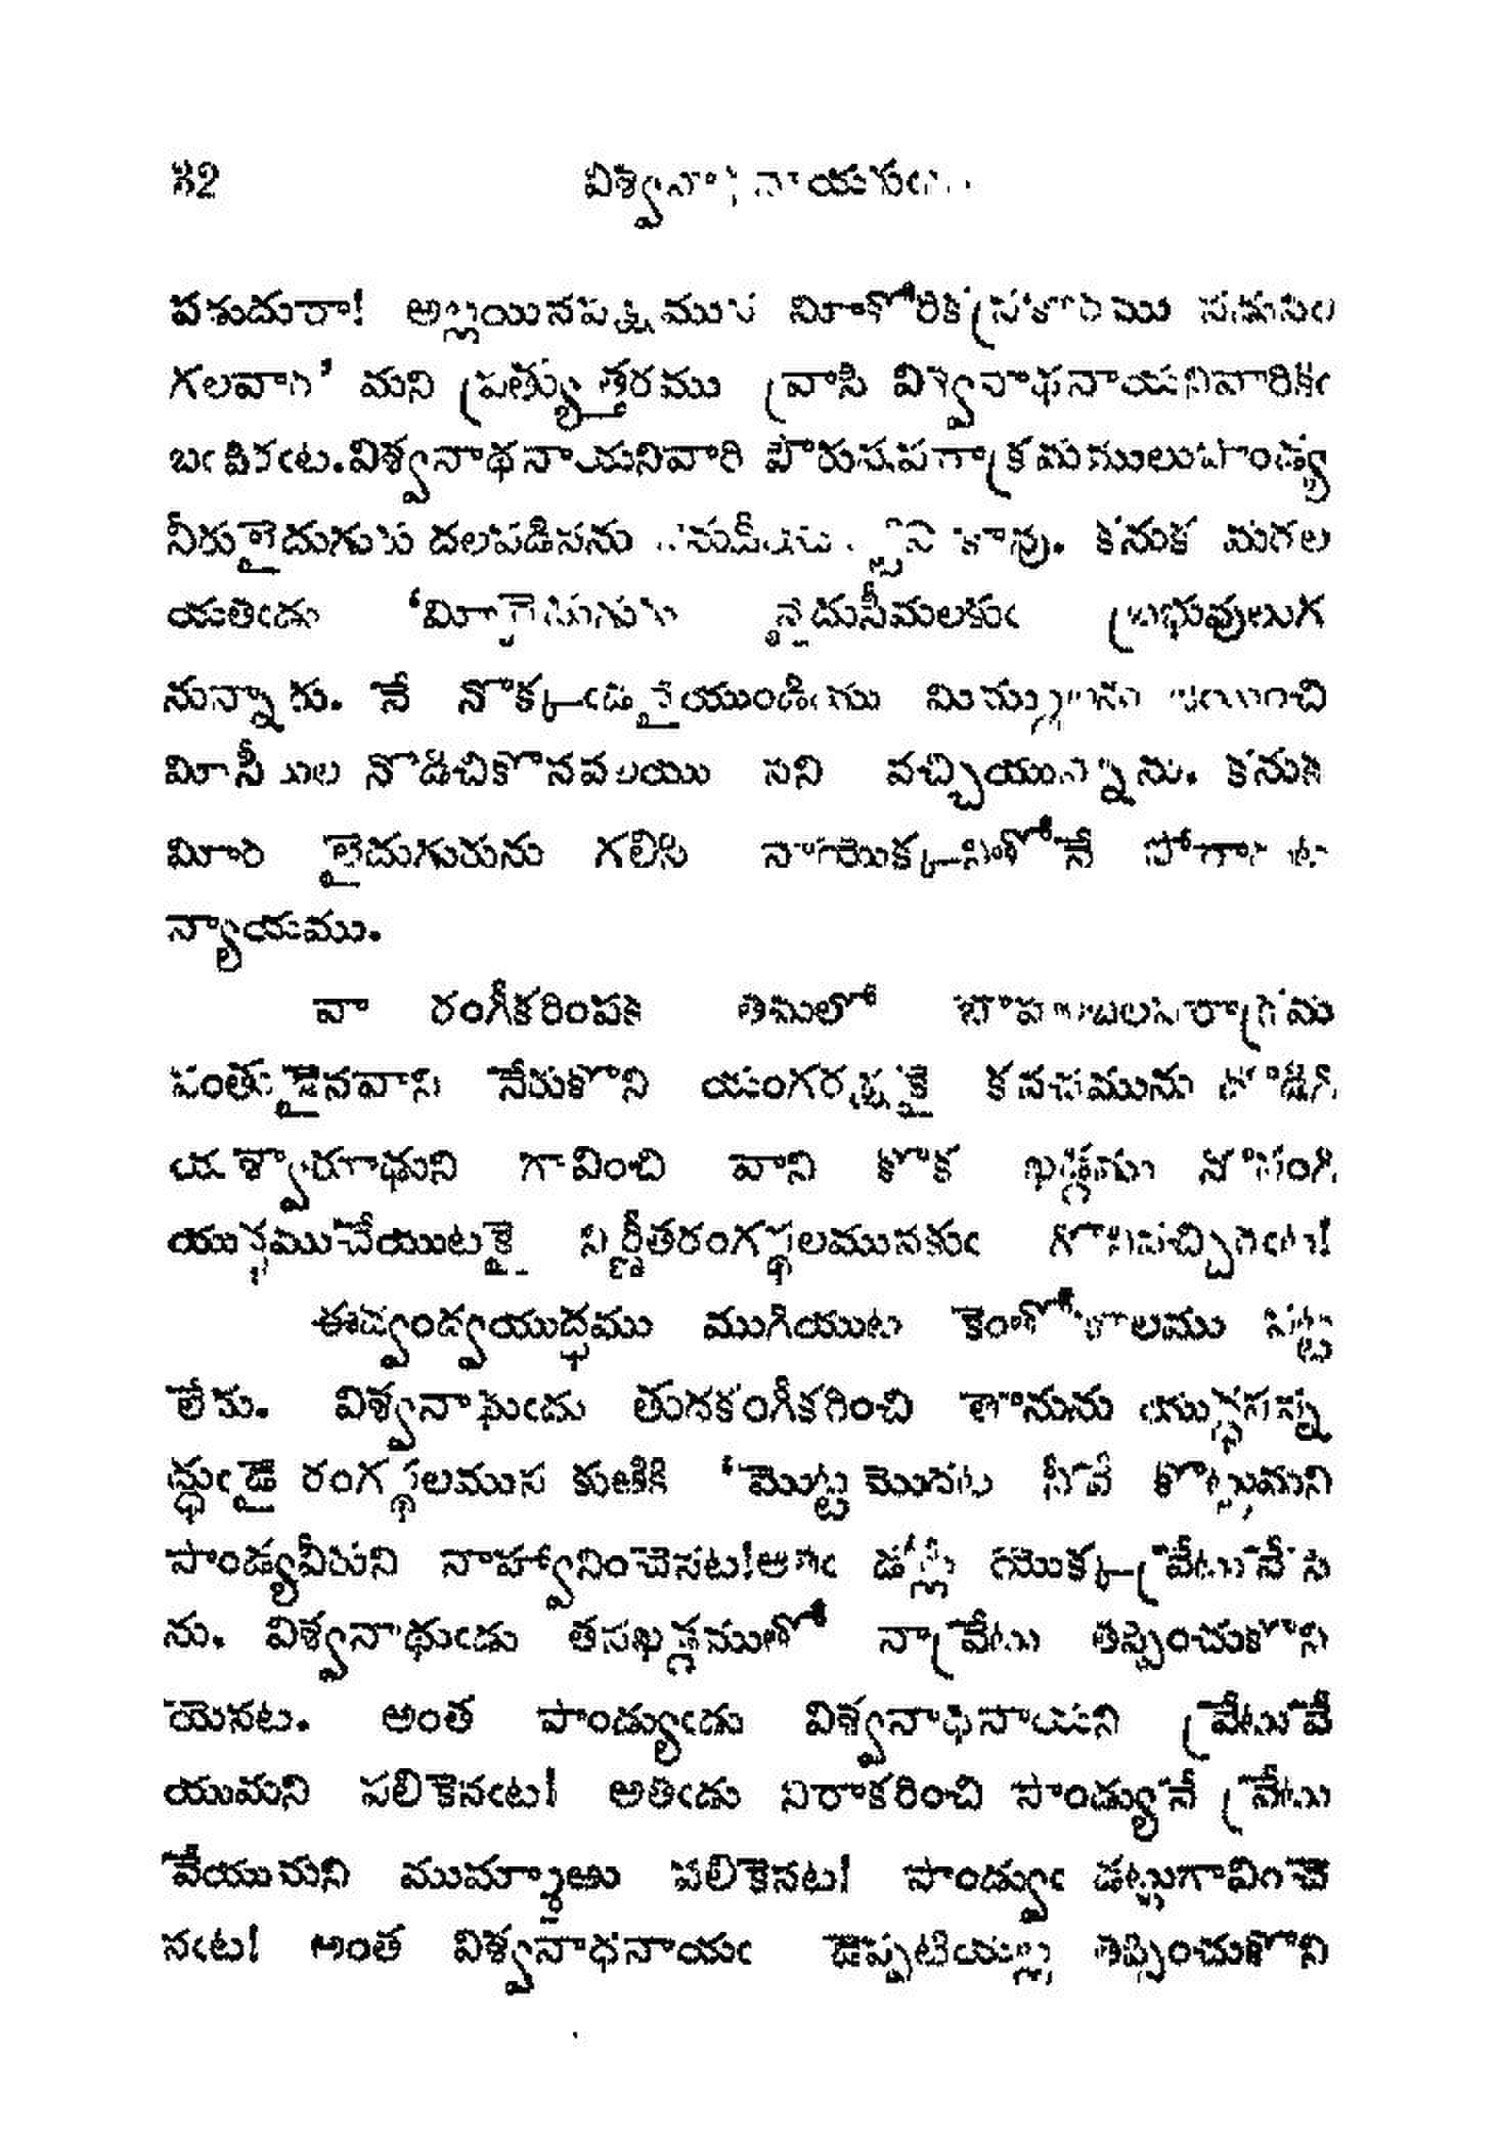పడుదురా! అట్లయినపక్షమున మీకోరికప్రకారము నడువంగలవార' మని ప్రత్యుత్తరము వ్రాసి విశ్వనాథనాయనివారికిఁ బంపిరఁట. విశ్వనాథనాయనివారి పౌరుషపరాక్రమములుపాండ్య వీరులైదుగురు దలపడినను వెనుదీయ నట్టివికావు. కనుక మరల యతఁడు 'మీరైదుగురు నైదుసీమలకు ప్రభువులుగ నున్నారు. నే నొక్కఁడనైయుండియు మిమ్ములను జయించి మీసీమల నొడిచికొనవలయు నని వచ్చియున్నాను. కనుక మీర లైదుగురును గలిసి నాయొక్కనితోనే పోరాడుట న్యాయము.

వా రంగీకరింపక తమలో బాహుబలపరాక్రమ వంతుడైనవాని నేరుకొని యంగరక్షకై కవచమును దొడిగి యశ్వారూఢుని గావించి వాని కొక ఖడ్గము నొసంగి యుద్ధముచేయుటకై నిర్ణీతరంగస్థలమునకుఁ గొనివచ్చిరఁట!

ఈద్వంద్వయుద్ధము ముగియుట కెంతోకాలము పట్టలేదు. విశ్వనాథుఁడు తుదకంగీకరించి తానును యుద్ధసన్నద్ధుఁడై రంగస్థలమున కుఱికి 'మొట్టమొదట నీవే కొట్టుమని పాండ్యవీరుని నాహ్వానించెనట! ఆతఁ డట్లే యొక్కవ్రేటువేసెను. విశ్వనాథుఁడు తనఖడ్గముతో నావ్రేటు తప్పించుకొనియెనట. అంత పాండ్యుఁడు విశ్వనాథనాయని వ్రేటువేయమని పలికెనఁట! అతఁడు నిరాకారించి పాండ్యునే వ్రేటు వేయమని ముమ్మాఱు పలికెనట! పాండ్యుఁ డట్లుగావించెనఁట! అంత విశ్వనాథనాయఁ డెప్పటియట్ల తప్పించుకొని